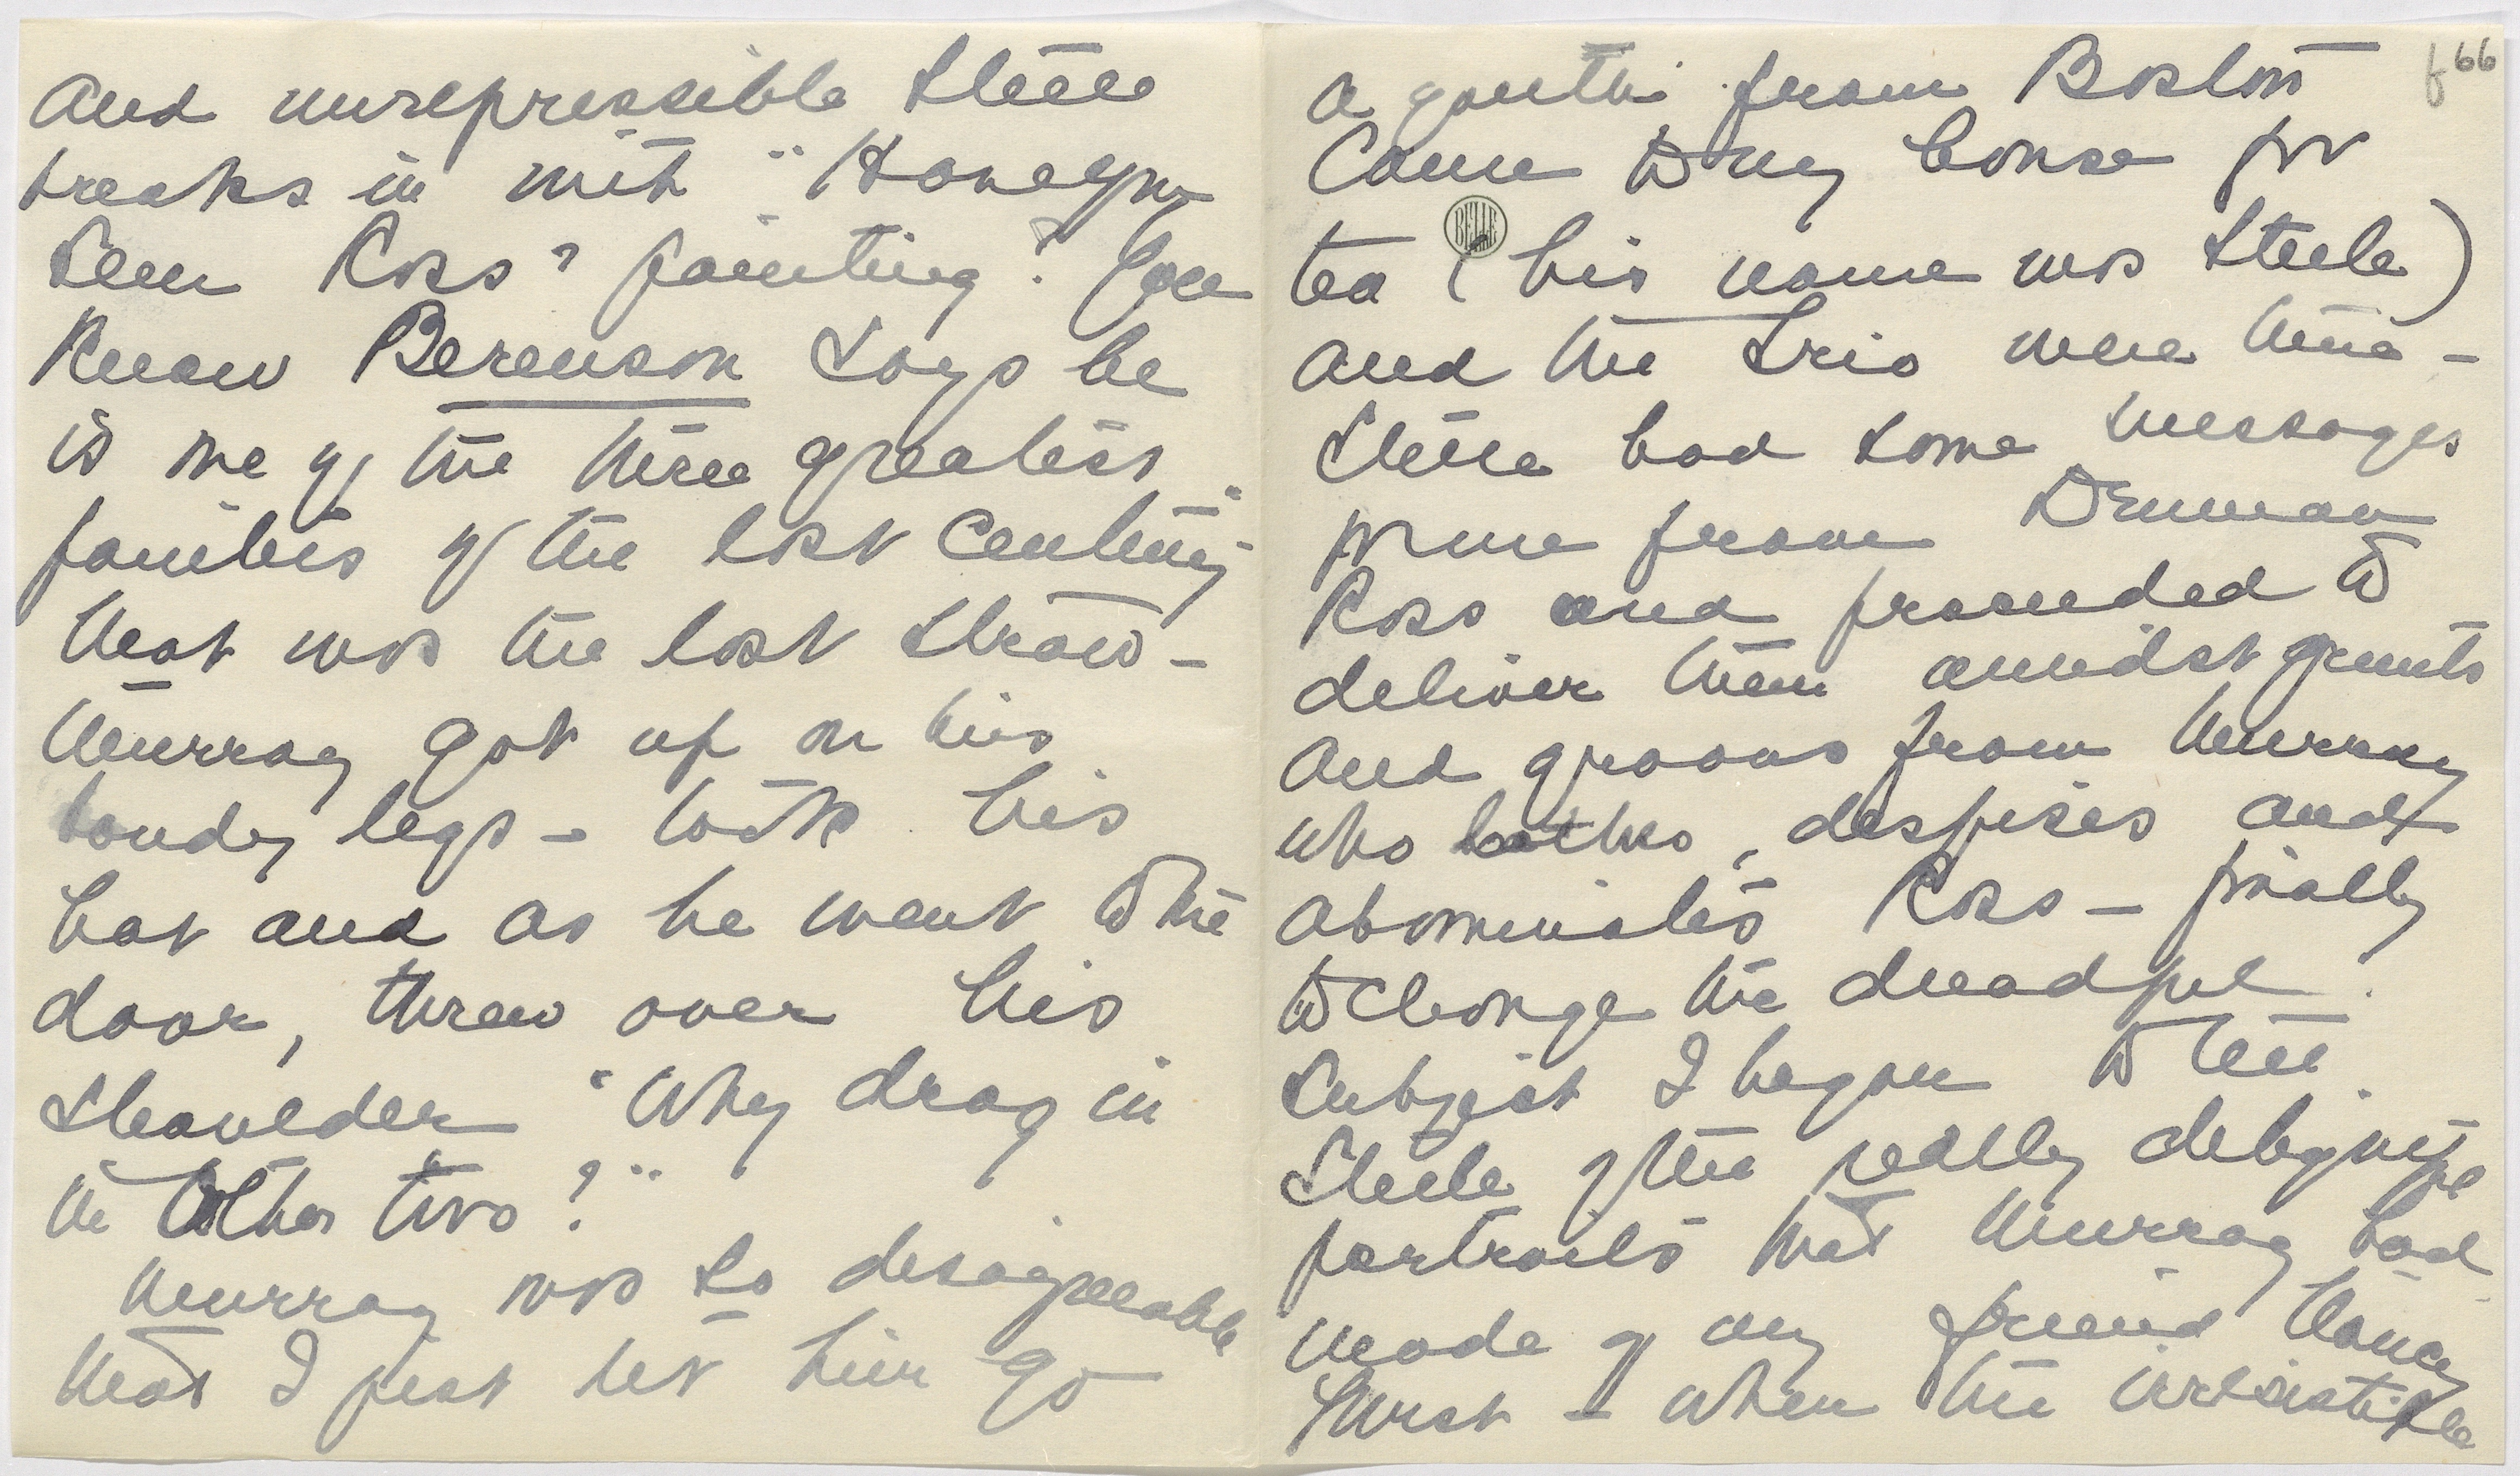a youth from Boston came to my house for tea (his name was Steele) and the Trio were there – Steele had some messages for me from Denman Ross and proceeded to deliver them amidst grunts and groans from Murray who loathes, despises and abominates Ross – finally to change the dreadful subject I began to tell Steele of the really delightful portraits that Murray had made of my friend Nancy Furst – when the irresistible
and unrepressible [sic] Steele breaks in with “Have you seen Ross’ painting? You know Berenson says he is one of the three greatest painters of the last century” – that was the last straw – Murray got up on his bandy legs – took his hat and as he went to the door, threw over his shoulder “Why drag in the other two?”
Murray was so disagreeable that I just let him go